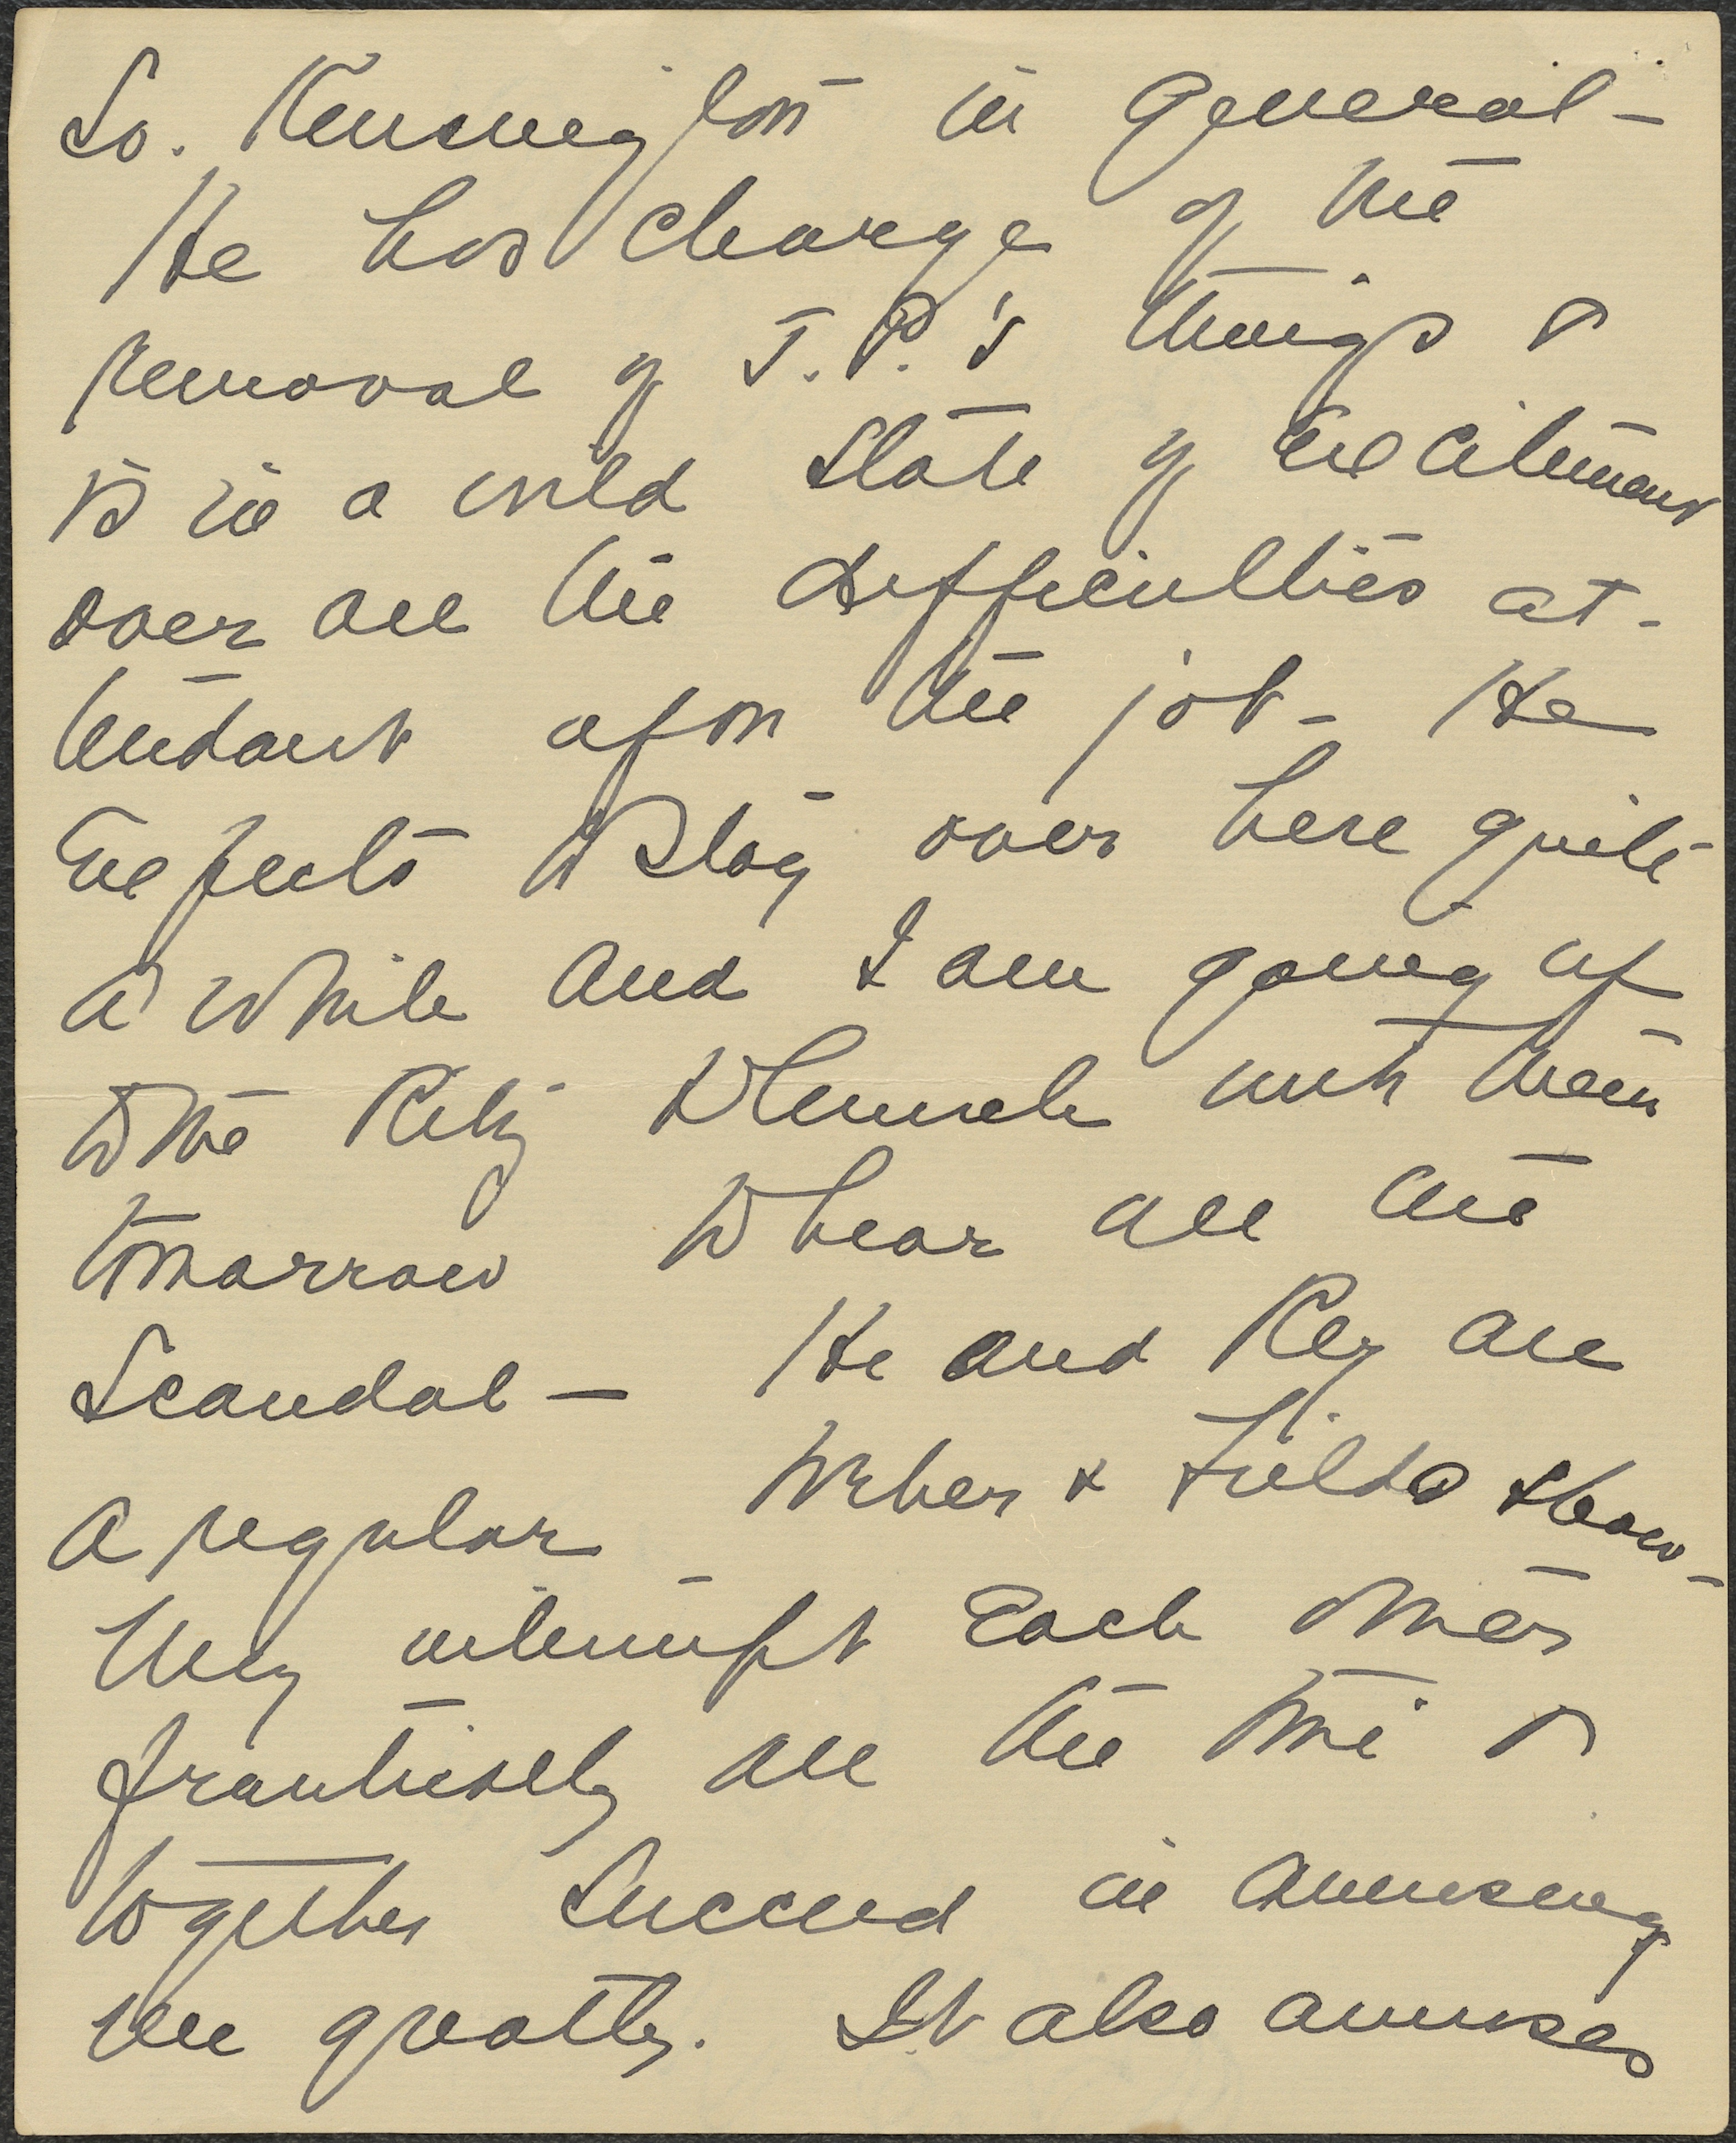So. Kensington in general – He has charge of the removal of J.P.’s things & is in a wild state of excitement over all the difficulties attendant upon the job – He expects to stay over here quite a while and I am going up to the Ritz to lunch with them tomorrow to hear all the scandal – He and Rey are a regular Weber & Fields show – they interrupt each other frantically all the time & together succeed in amusing me greatly. It also amuses